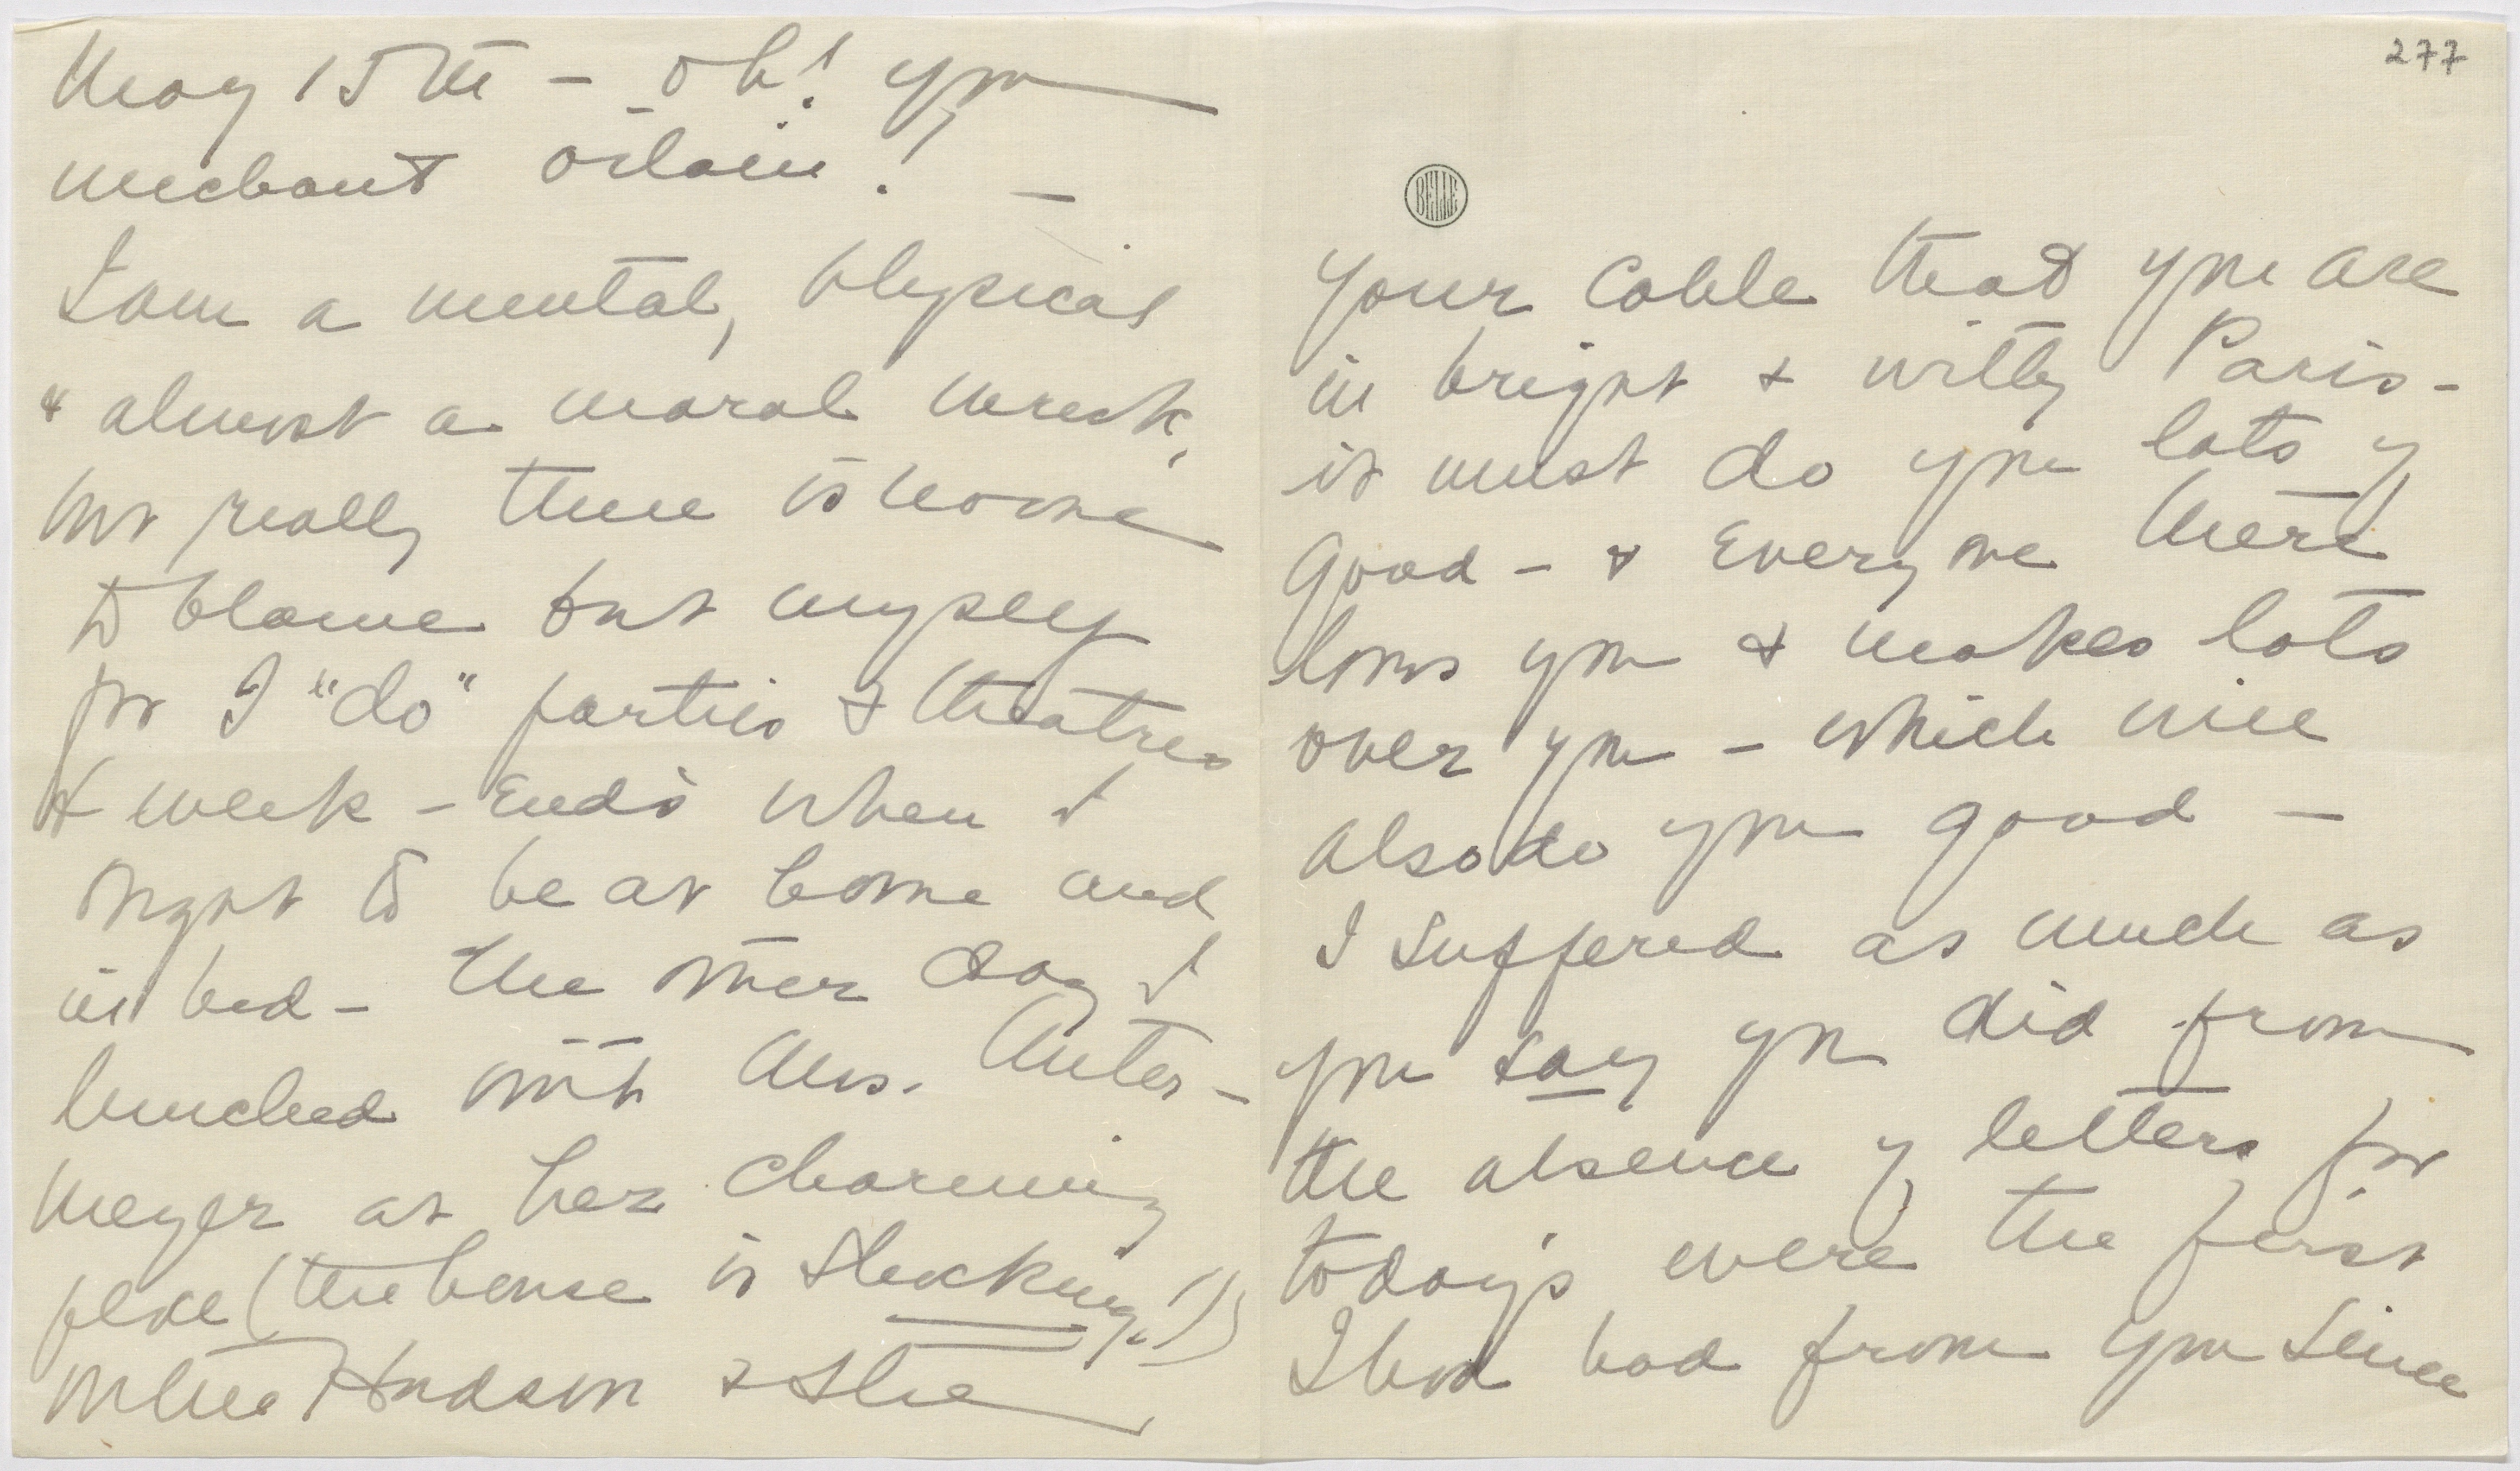your cable that you are in bright & witty Paris – it must do you lots of good – & every one there loves you & makes lots over you – which will also do you good –
I suffered as much as you say you did from the absence of letters for today’s were the first I had had from you since
May 15th – oh! you mechant vilain! –
I am a mental, physical & almost a moral wreck, but really there is no one to blame but myself for I “do” parties & theatre & week-ends when I ought to be at home & in bed – the other day I lunched with Mrs. Untermyer at her charming place (the house is [doubled underlined: shocking]!!) on the Hudson & she